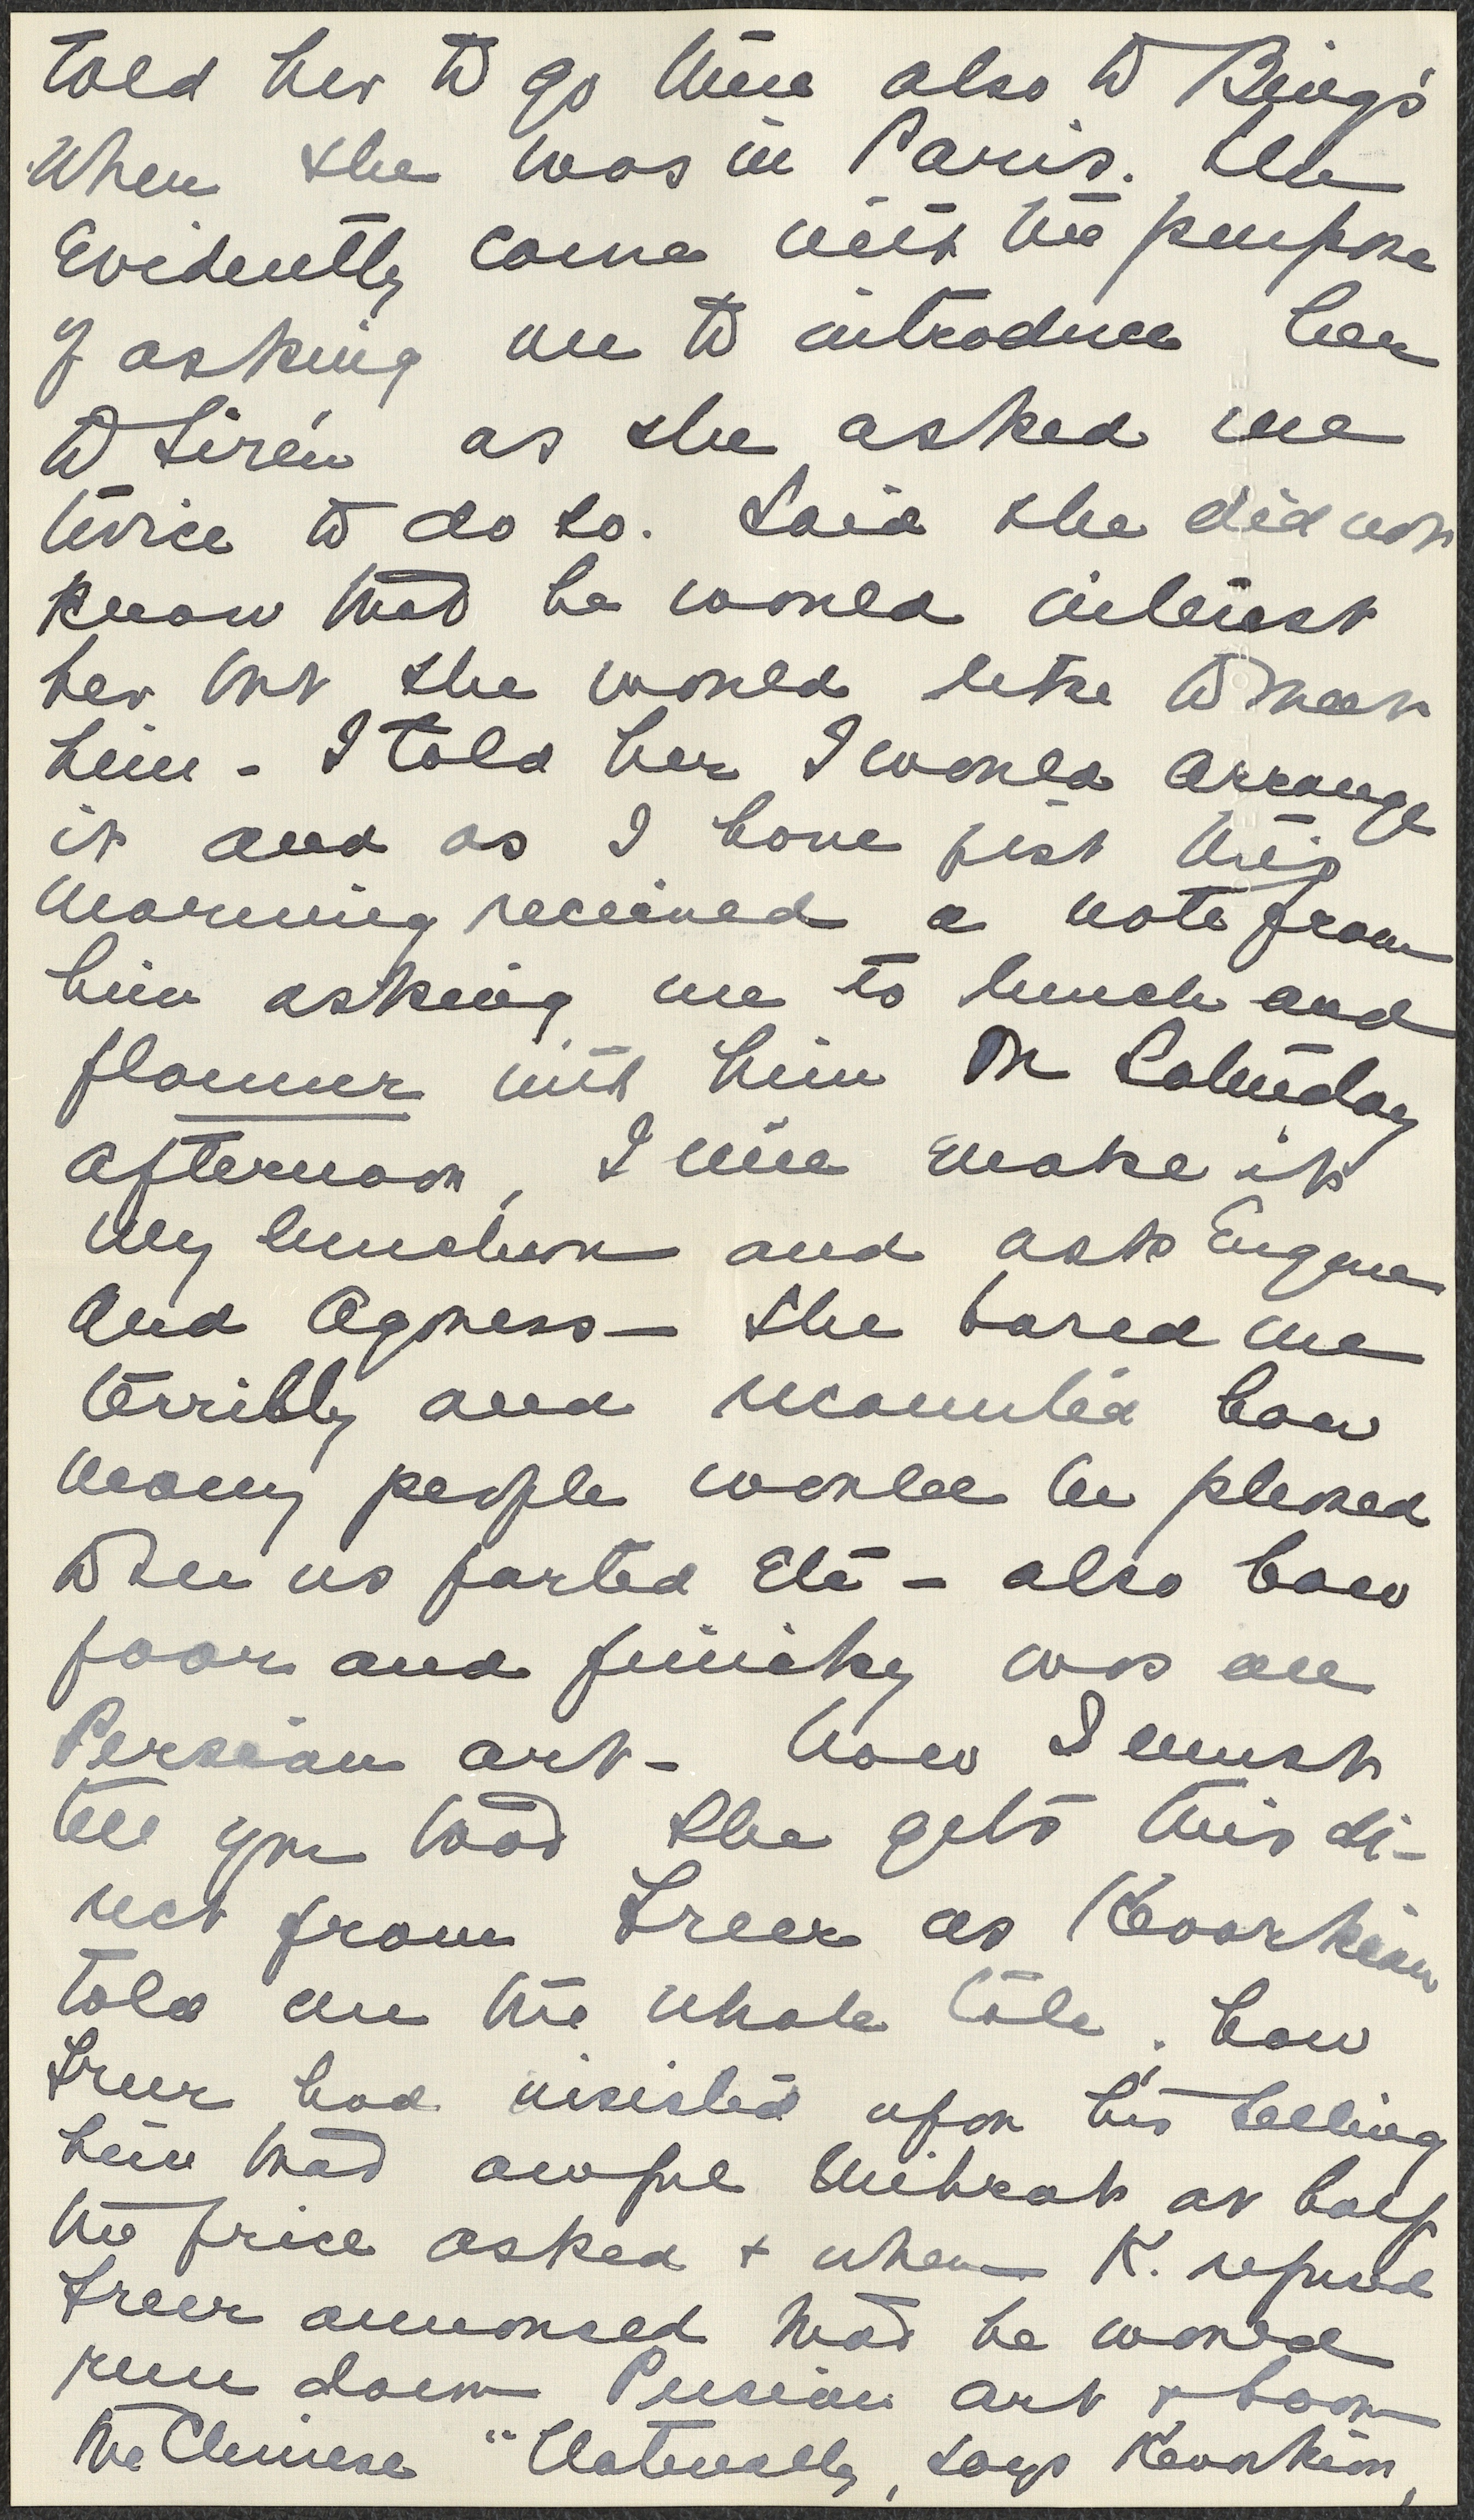told her to go there also to Bing’s when she was in Paris. She evidently came with the purpose of asking me to introduce her to Sirén as she asked me thrice to do so. Said she did not know that he would interest her but she would like to meet him – I told her I would arrange it and as I have just this morning received a note from him asking me to lunch and flower with him on Saturday afternoon, I will make it my luncheon and ask Eugene and Agoness – she bored me terribly and recounted how many people would be pleased to see us parted etc – also how poor and finicky was all Persian art – Now I must tell you that she gets this direct from Freer as Kevorkian told me the whole tale. how Freer had insisted upon his selling him that awful Mihrab at half the price asked & when K. refused Freer announced [sic] that he would run down Persian art & boost the Chinese “Naturally, says Kevorkian,